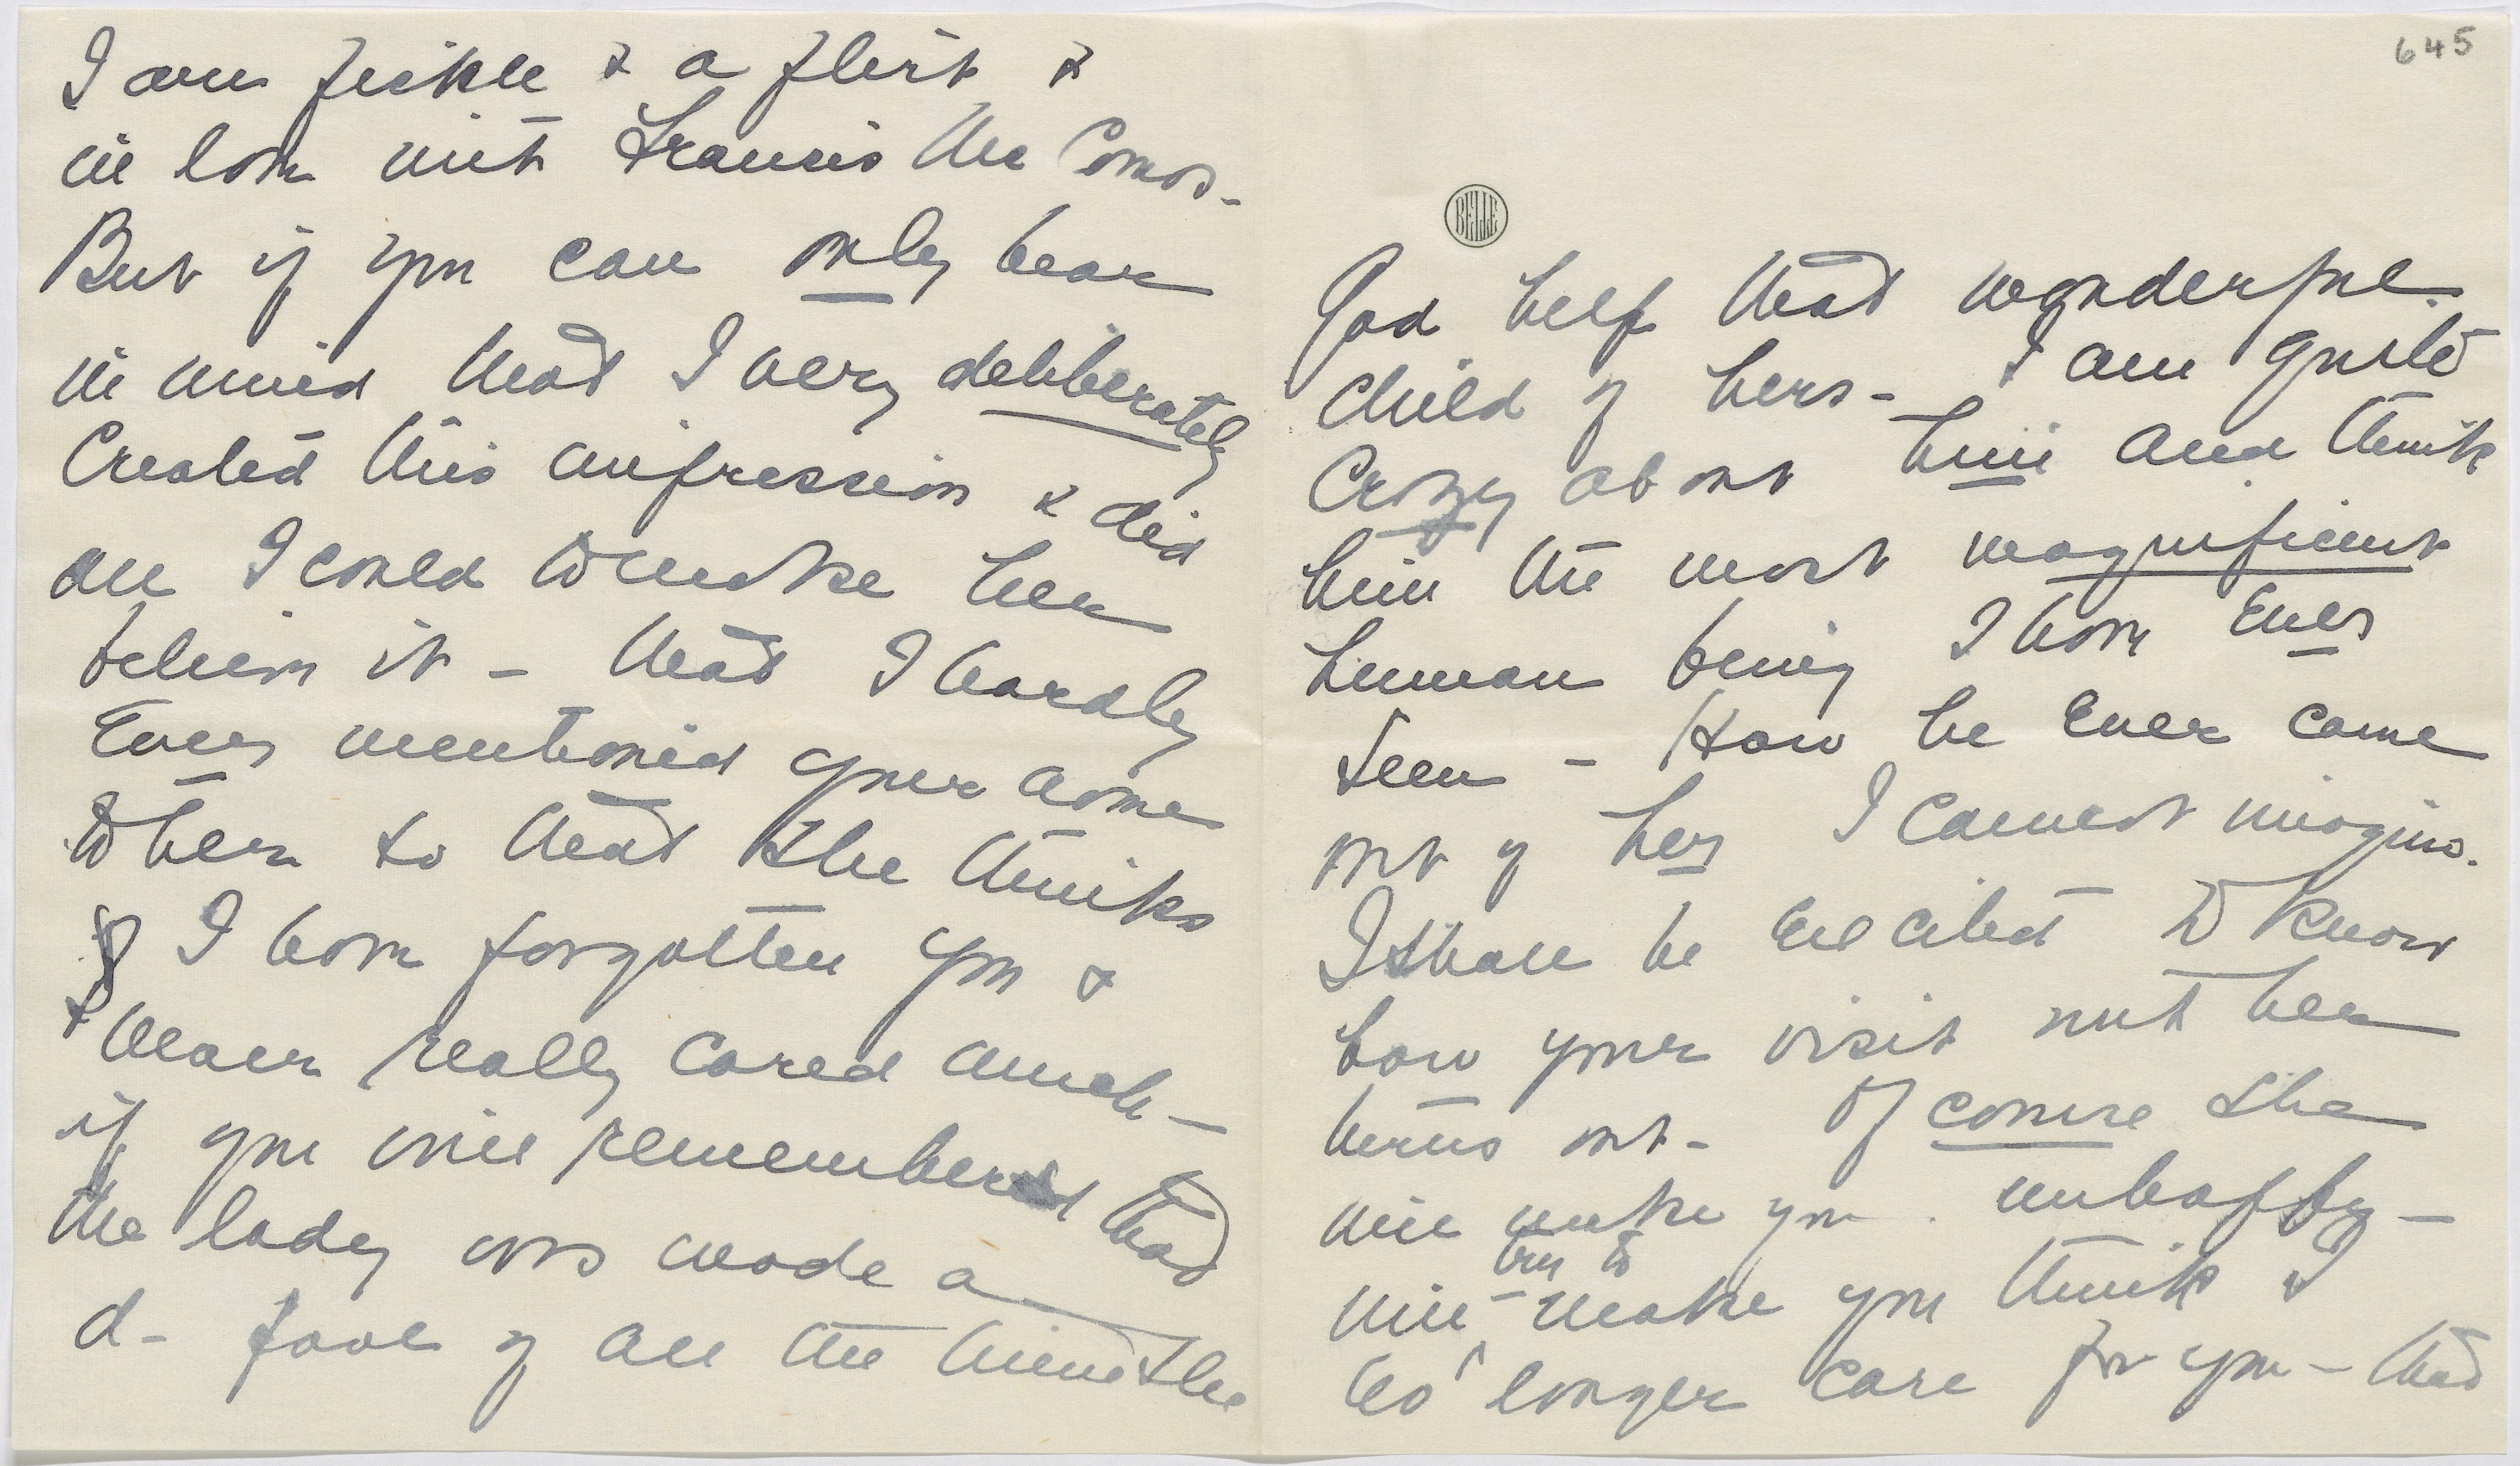God help that wonderful child of hers – I am quite crazy about him and think him the most magnificent human being I have ever seen – How he ever came out of her I cannot imagine. I shall be excited to know how your visit with her turns out – of course she will make you unhappy – will [^try to^] make you think I no longer care for you – that
I am fickle & a flirt & in love with Francis McComas – But if you can only bear in mind that I very deliberately created this impression & did all I could to make her believe it – that I hardly ever mentioned your name to her so that she thinks of I have forgotten you & I never really cared much – if you will remembered that the lady was made a d – fool of all the time she